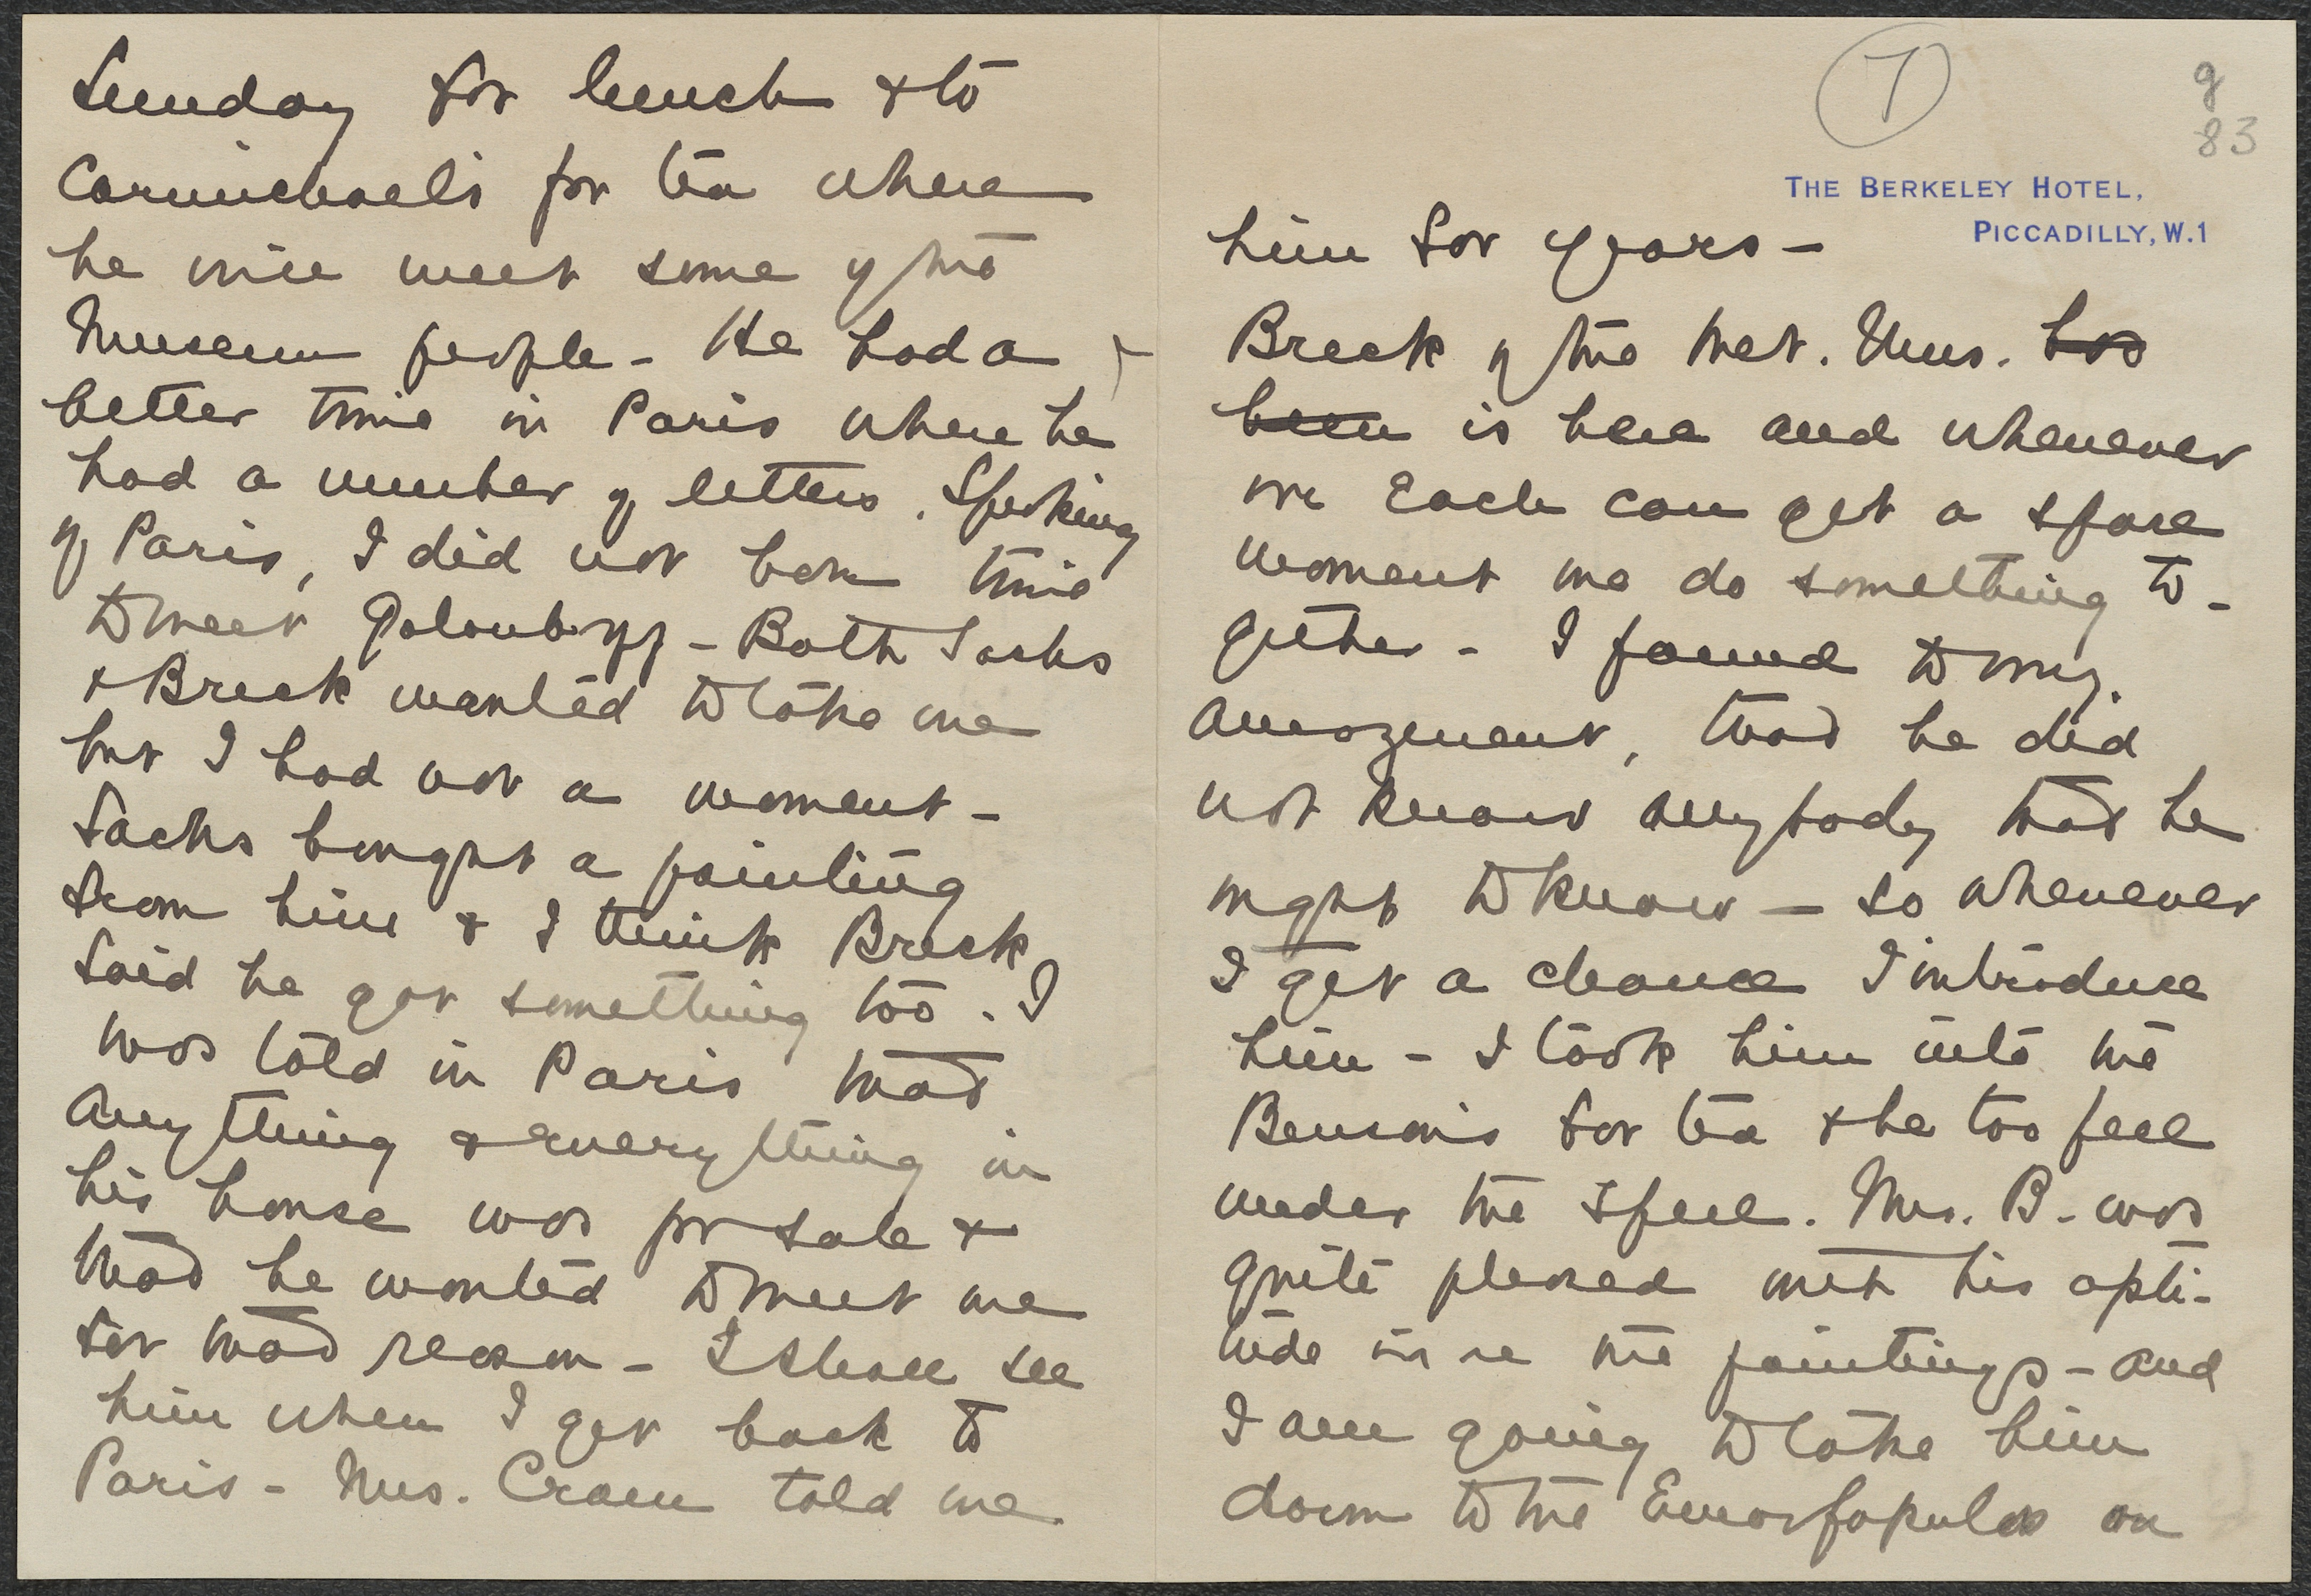him for years –
Breck of the Met. Mus. has been is here and whenever we each can get a spare moment we do something together – I found to my amazement, that he did not know anybody that he ought to know – so whenever I get a chance I introduce him – I took him into the Benson's for tea & he too fell under the spell. Mrs. B. was quite pleased with his aptitude in re the paintings – and I am going to take him down to the Eumorfopoulos on
Sunday for lunch & to Carmichael's for tea where he will meet some of the Museum people – He had a better time in Paris where he had a number of letters. Speaking of Paris, I did not have time to meet Goloub yet – Both Sachs & Breck wanted to take me but I had not a moment – Sachs bought a painting from him & I think Breck said he got something too – I was told in Paris that anything & everything in his house was for sale & that he wanted to meet me for that reason – I shall see him when I get back to Paris – Mrs. Cram told me